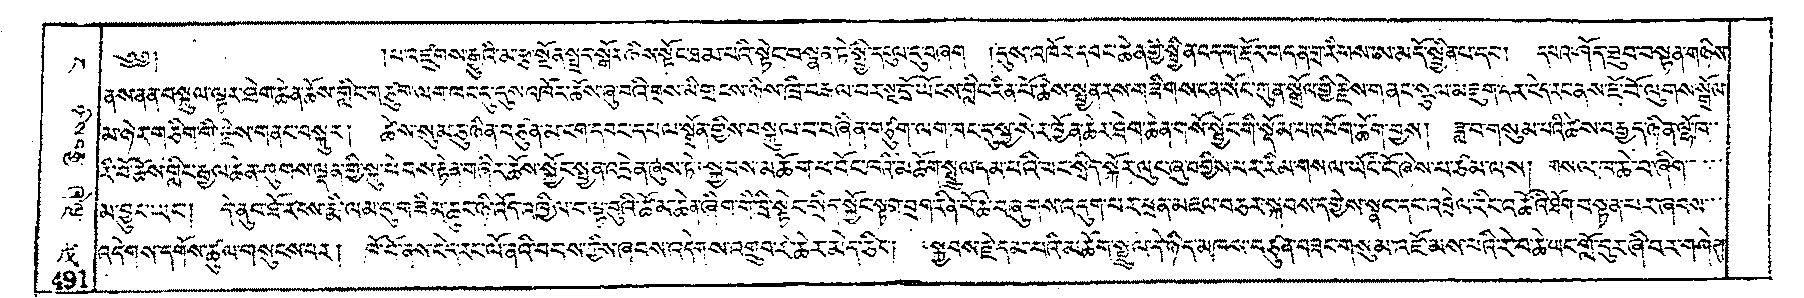༄༅། །པ་འཛུགས་རྒྱུའི་མ་རྩ་སྔོན་སྤྲད་སྒོར་ཉིས་སྟོང་ཐམ་པའི་སྟེང་བསྣན་ཏེ་སྤྱི་དངུལ་དུ་བཞག །དུས་འཁོར་དབང་ཆེན་གྱི་སྦྱིན་བདག་རྡོར་གདན་གྲ་རིགས་ཨ་མདོ་སྦྱིན་པ་དང་། དཔའ་ཤོད་ཐུབ་བསྟན་གཉིས་
ནས་ནན་བསྐུལ་ལྟར་ཐེག་ཆེན་ཆོས་གླིང་གཙུག་ལག་ཁང་དུ་དུས་འཁོར་ཆོས་ཞུ་བའི་གྲས་མི་གྲངས་ཉིས་ཁྲི་བརྒལ་བར་སྔ་དྲོ་ཡོངས་གླིང་རིན་པོ་ཆེས་སྤྱན་རས་གཟིགས་ངན་སོང་ཀུན་སྒྲོལ་གྱི་རྗེས་གནང་སྩལ་མཇུག་དར་ངེད་རང་ནས་ཇོ་བོ་ལུགས་སྒྲོལ་
མ་ཉེར་གཅིག་གི་རྗེས་གནང་བསྐུར། ཚེས་སུམ་ཅུ་ཉིན་བཙུན་མ་ངག་དབང་དཔལ་སྒྲོན་གྱིས་བསྐུལ་བ་བཞིན་གཙུག་ལག་ཁང་དུ་སྐྱ་སེར་ཁྱོན་ཆེར་ཐེག་ཆེན་གསོ་སྦྱོང་གི་སྡོམ་པ་འབོག་ཆོག་བྱས། ཟླ་བ་གསུམ་པའི་ཚེས་བརྒྱད་ཉིན་ལྷོ་ཁ་
རི་བོ་ཆོས་གླིང་རྒྱལ་ཆེན་ཤུགས་ལྡན་གྱི་སྐུ་ཕེབས་རྟེན་གཞིར་ཆོས་སྐྱོང་སྤྱན་འདྲེན་ཞུས་ཏེ་༧སྐྱབས་མཆོག་ཕ་བོང་ཁའི་མཆོག་སྤྲུལ་དམ་པའི་ཡང་སྲིད་སྐོར་ལུང་ཞུ་བགྱིས་པར་རིམ་གསལ་ཡོང་ངོ་ཞེས་པ་ཙམ་ལས། གསལ་ཁ་ཆེ་བ་ཞིག་
མ་བྱུང་ཡང་། དེ་ནུབ་ཐོ་རངས་རྨི་ལམ་དུ་གཟིམ་ཆུང་ཉི་འོད་འཁྱིལ་བ་ལྟ་བུའི་ཚོམ་ཆེན་ཞིག་གི་ཁྲི་སྟེང་སྲིད་སྐྱོང་སྟག་བྲག་རིན་པོ་ཆེ་བཞུགས་འདུག་པར་ཕྲན་མཇལ་བཅར་སྐབས་དགྱེས་སྣང་དང་འབྲེལ་རིང་འཚོའི་ཐོག་བསྟན་པར་ཞབས་
འདེགས་དགོས་ཚུལ་གསུངས་པར། ཁོ་བོ་ནས་ངེད་རང་ལོ་ནའི་བབས་ཀྱིས་ཞབས་འདེགས་འགྲུབ་རེ་ཆེར་མེད་ཅིང་། ༧སྐྱབས་རྗེ་དམ་པའི་མཆོག་སྤྲུལ་དེ་ཉིད་མཁས་བཙུན་བཟང་གསུམ་འཛོམས་པའི་རེ་བ་ཆེ་ཡང་གློ་བུར་ཞི་བར་གཤེགས།